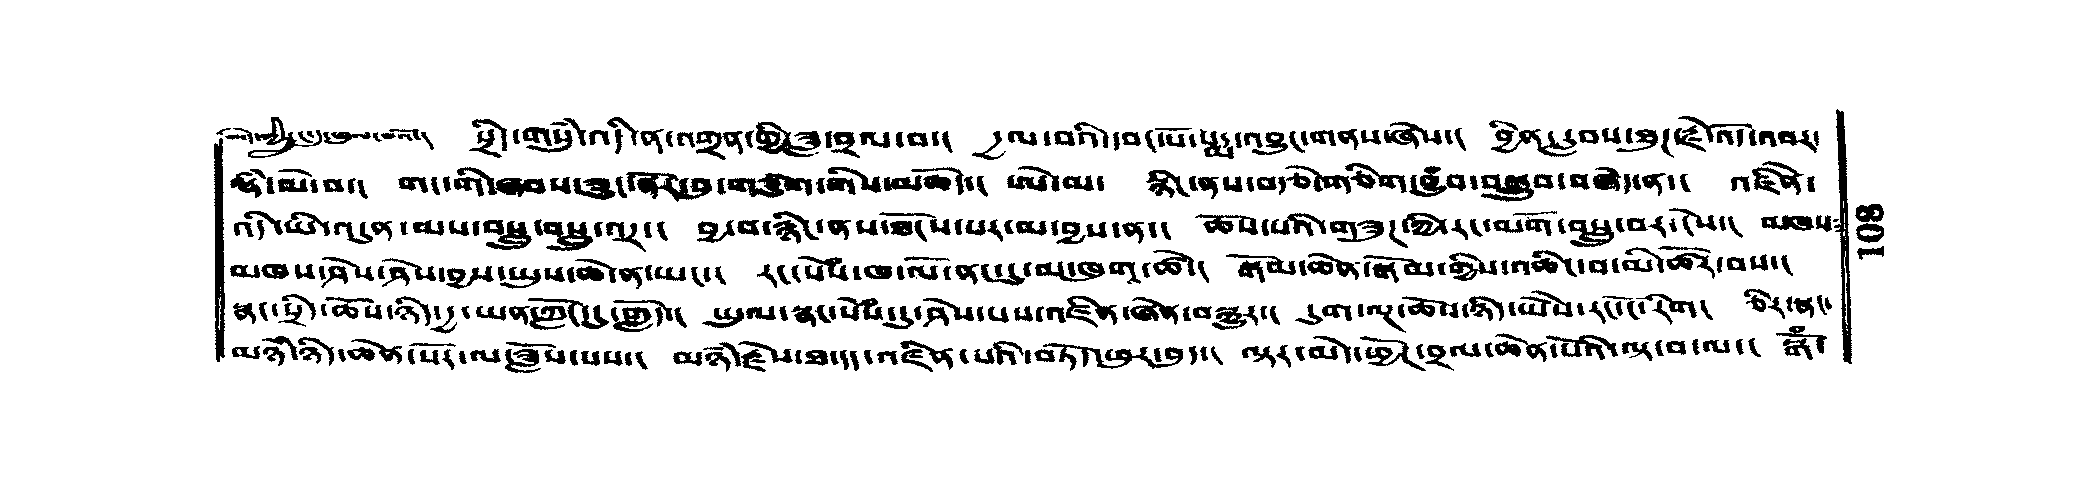མེད་ཀྱི་དྲུང་དུ་ཕུལ་བའོ།། སྲིད་གསུམ་འདི་ན་འགྲན་གྱི་ཟླ་བྲལ་བ། །རྒྱལ་བའི་དབང་པོ་པདྨ་འབྱུང་གནས་ཞེས། །བྱིན་རླབས་ཐུགས་རྗེ་འོད་འབར་
ལྷམ་མེ་བ། །གང་གི་ཞབས་ཟུང་ནོར་བུ་གཙུག་གི་མཆོད། ཨེ་མ། སྙིང་ནས་རྩེ་གཅིག་བྱང་ཆུབ་བསྒྲུབ་བཞེད་ན། །འཇིག་རྟེན་
འདི་ཡི་འདུན་མས་བསླུ་བསླུ་འདྲ། །བྱ་བ་སྙིང་ནས་ཐོངས་བར་མ་བྱས་ན། །ཆོས་པའི་གཟུགས་ཀྱི་རང་མགོ་བསླུ་བར་ངེས། །མཁས་
མཁས་ཤེས་ཤེས་བྱས་ཡུད་ཆེ་ན་ཡང་། །རང་སེམས་ཁ་ལོ་ནང་དུ་མ་ཁུགས་ཚེ། །སྒོམ་ཆེན་སྒོམ་གྱིས་འཆིང་བ་མི་ཚོར་བས། །
སྣང་སྲིད་ཆོས་ཉིད་རྒྱ་ཡན་ཀློང་དུ་གློད། །ཡུལ་སྣང་སེམས་དུ་ཤེས་པས་འཛིན་ཞེན་བསྐྱུར། །དུག་ལྔ་ཆོས་ཉིད་ཡེ་ཤེས་རང་ངོ་རིག།ཅིར་སྣང་
མཉམ་ཉིད་ཆེན་པོར་ལ་ཟློས་པས། །མཉམ་རྗེས་ཐ་དད་འཛིན་པའི་བཏོད་ཕུར་བུད། །ལྟར་མེད་ཕྱོགས་བྲལ་ཆེན་པོའི་ལྟ་བ་ལ། །སྒོམ་